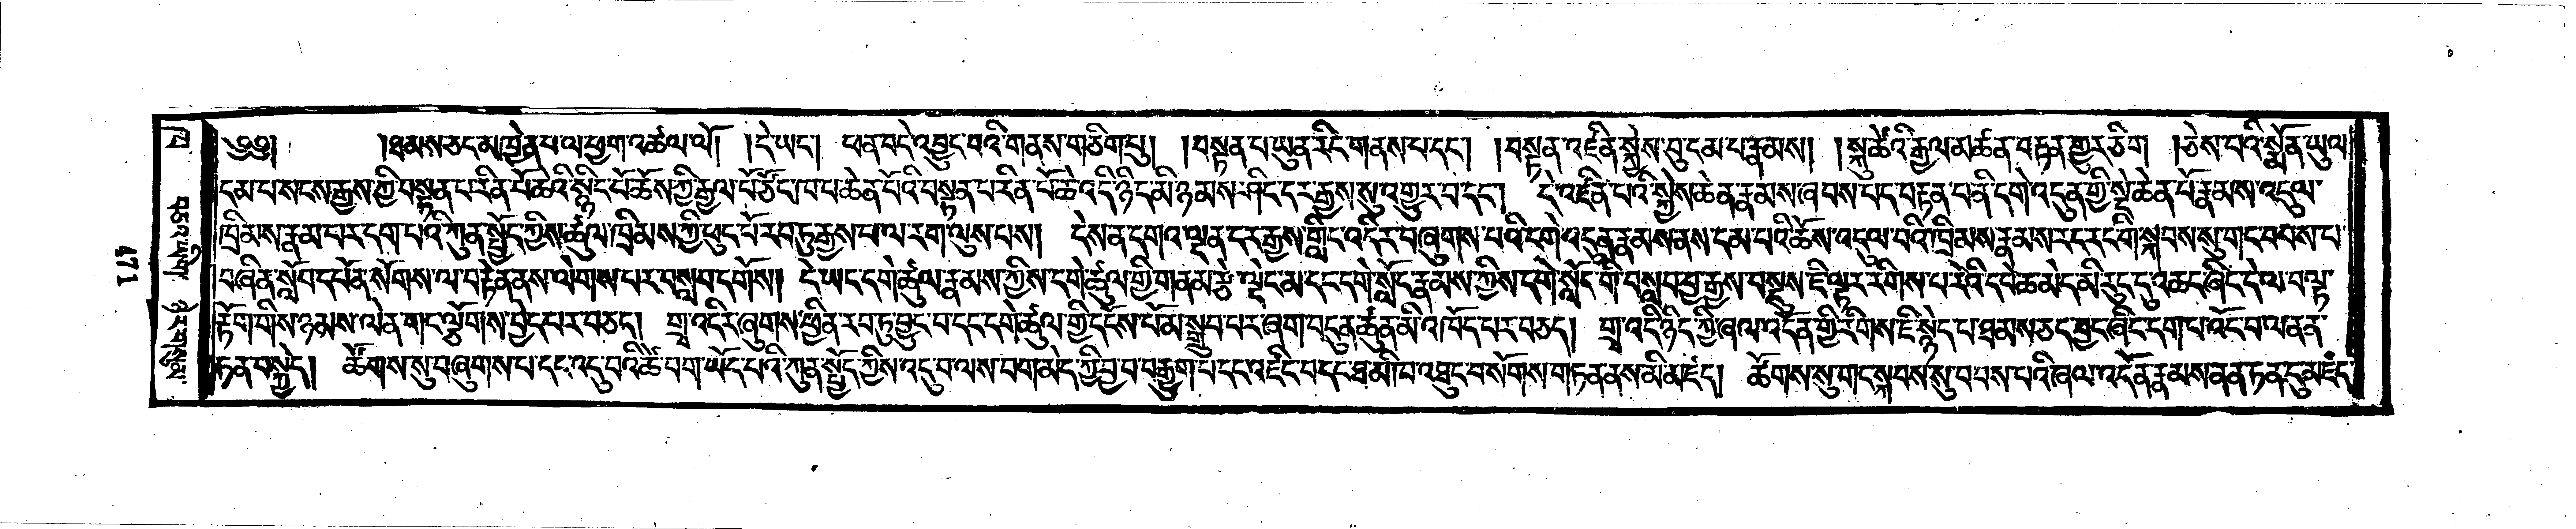༄༅། །ཐམས་ཅད་མཁྱེན་པ་ལ་ཕྱག་འཚལ་ལོ། །དེ་ཡང་། ཕན་བདེ་འབྱུང་བའི་གནས་གཅིག་པུ། །བསྟན་པ་ཡུན་རིང་གནས་པ་དང་། །བསྟན་འཛིན་སྐྱེས་བུ་དམ་པ་རྣམས། །སྐུ་ཚེའི་རྒྱལ་མཚན་བརྟན་གྱུར་ཅིག །ཅེས་པའི་སྨོན་ཡུལ་
དམ་པ་སངས་རྒྱས་ཀྱི་བསྟན་པ་རིན་པོ་ཆེའི་སྙིང་པོ་ཆོས་ཀྱི་རྒྱལ་པོ་ཙོང་ཁ་པ་ཆེན་པོའི་བསྟན་པ་རིན་པོ་ཆེ་འདི་ཉིད་མི་ཉམས་ཤིང་དར་རྒྱས་སུ་འགྱུར་བ་དང་། དེ་འཛིན་པའི་སྐྱེས་ཆེན་རྣམས་ཞབས་པད་བརྟན་པ་ནི་དགེ་འདུན་གྱི་སྡེ་ཆེན་པོ་རྣམས་འདུལ་
ཁྲིམས་རྣམ་པར་དག་པའི་ཀུན་སྤྱོད་ཀྱིས་ཚུལ་ཁྲིམས་ཀྱི་ཕུང་པོ་རབ་ཏུ་རྒྱས་པ་ལ་རག་ལུས་པས། དེས་ན་དགའ་ལྡན་དར་རྒྱས་གླིང་འདིར་བཞུགས་པའི་དགེ་འདུན་རྣམས་ནས་དམ་པའི་ཆོས་འདུལ་བའི་ཁྲིམས་རྣམས་རང་རང་གི་སྐབས་སུ་གང་བབས་པ་
བཞིན་སློབ་དཔོན་སོགས་ལ་བརྟེན་ནས་ལེགས་པར་བསླབ་དགོས། དེ་ཡང་དགེ་ཚུལ་རྣམས་ཀྱིས་དགེ་ཚུལ་གྱི་གནམ་རྩེ་ལྡེང་མ་དང་དགེ་སློང་རྣམས་ཀྱིས་དགེ་སློང་གི་བསླབ་བྱ་རྒྱས་བསྡུས་ཇི་ལྟར་རིགས་པ་རེའི་དཔེ་ཆ་མེད་མི་རུང་དུ་འཆང་ཞིང་དེ་ལ་བལྟ་
རྟོག་གིས་ཉམས་ལེན་གང་ལྕོགས་བྱེད་པར་བཅད། གྲྭ་འདིར་ཞུགས་ཕྱིན་རབ་ཏུ་བྱུང་བ་དང་དགེ་ཚུལ་གྱི་དངོས་པོ་མ་སྒྲུབ་པར་ཞག་བདུན་ཚུན་མི་འཁོད་པར་བཅད། གྲྭ་འདི་ཉིད་ཀྱི་ཞལ་འདོན་གྱི་རིགས་ཇི་སྙེད་པ་ཐམས་ཅད་བྱང་ཞིང་དག་པ་འོང་བ་ལ་ནན་
ཏན་བསྐྱེད། ཚོགས་སུ་བཞུགས་པ་དང་འདུ་བའི་ཚེ་བག་ཡོད་པའི་ཀུན་སྤྱོད་ཀྱིས་འདུ་བ་ལས་བག་མེད་ཀྱི་བྱ་བ་བརྒྱུག་པ་དང་འཛིང་བ་དང་ཐ་མི་ཁ་འཐུང་བ་སོགས་གཏན་ནས་མི་མཛད། ཚོགས་སུ་གང་སྐབས་སུ་བབས་པའི་ཞལ་འདོན་རྣམས་ནན་ཏན་དུ་མཛད་